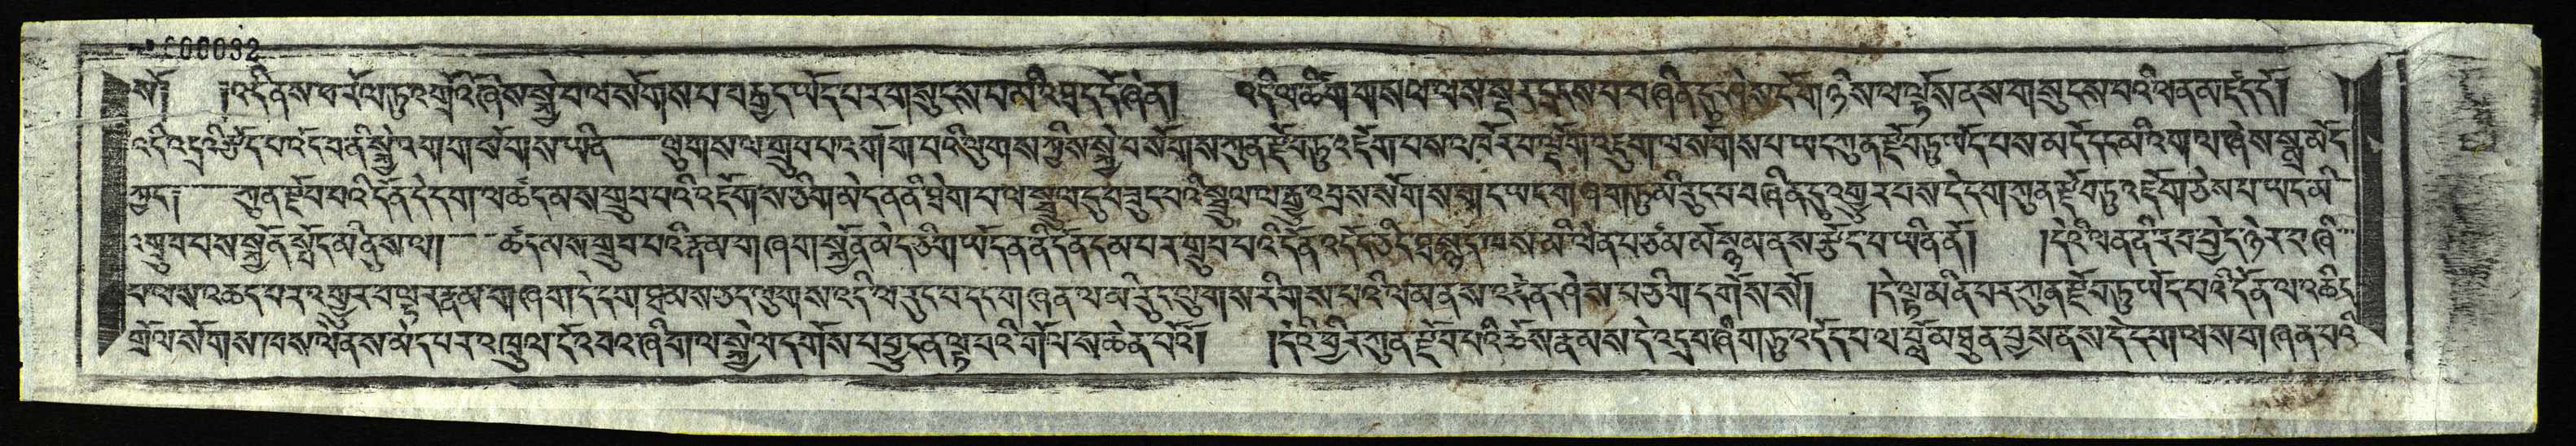སོ། །འདི་ནས་ཕ་རོལ་ཏུ་འགྲོའོ་ཞེས་སྐྱེ་བ་ལ་སོགས་པ་བརྒྱད་ཡོད་པར་གསུངས་པ་མི་འཐད་དོ་ཞེ་ན། འདི་ལ་ཚིག་གསལ་ལས་སྔར་དྲངས་པ་བཞིན་དུ་ཤེས་ངོ་གཉིས་ལ་ལྟོས་ནས་གསུངས་བའི་ལན་མཛད་དོ། །
འདི་འདྲའི་རྩོད་པ་འོད་བ་ནི་སྐྱེ་འགག་སོགས་ཡིན་ལུགས་ལ་གྲུབ་པ་འགོག་པའི་ལུགས་ཀྱིས་སྐྱེ་བ་སོགས་ཀུན་རྫོབ་ཏུ་འཇོག་པས་འཁོར་བ་ལྡོག་འཇུག་ལ་སོགས་པ་ཡང་ཀུན་རྫོབ་ཏུ་ཡོད་པས་མདོ་དང་མི་འགལ་ཞེས་སྨྲ་མོད་
ཀྱང༑ ཀུན་རྫོབ་པའི་དོན་དེ་དག་ལ་ཚད་མས་གྲུབ་པའི་འཇོགས་ཅིག་མེད་ན་ནི་ཐེག་པ་ལ་སྒྲུབ་དུ་བཟུང་པའི་སྦྲུལ་ལ་རྒྱུ་འབྲས་སོགས་གང་ཡང་གཞག་ཏུ་མི་རུང་བ་བཞིན་དུ་འགྱུར་བས་དེ་དག་ཀུན་རྫོབ་ཏུ་འཇོག་ཅེས་པ་ཡང་མི་
འགྲུབ་པས་སྐྱོན་སྤོད་མི་ནུས་ལ། ཚད་མས་གྲུབ་པའི་རྣམ་གཞག་སྐྱོན་མེད་ཅིག་ཡོད་ན་ནི་དོན་དམ་པར་གྲུབ་པའི་དོན་འདོད་ཅིང་ཐ་སྙད་ཁས་མི་ལེན་པ་ཙམ་མོ་སྙམ་ནས་རྩོད་པ་ཡིན་ནོ། །དེའི་ལན་ནི་རབ་བྱེད་ཉེར་བཞི་
པ་ལས་འཆད་བར་འགྱུར་བ་ལྟར་རྣམ་གཞག་དེ་དག་ཐམས་ཅད་ལུགས་འདི་ལ་རུང་བ་དང་གཞན་ལ་མི་རུང་ལུགས་རིགས་པའི་ལམ་ནས་འདེན་ཤེས་པ་ཅིག་དགོས་སོ། །དེ་ལྟ་མིན་པར་ཀུན་རྫོབ་ཏུ་ཡོད་པའི་དོན་ལ་འཆིང་
གྲོལ་སོགས་ཁས་ལེན་ས་མེད་པར་འཁྲུལ་ངོ་འབའ་ཞིག་ལ་སྐྱེལ་དགོས་པ་བྱུང་ན་ལྟ་བའི་གོལ་ས་ཆེན་པོའོ། །དེའི་ཕྱིར་ཀུན་རྫོབ་པའི་ཆོས་རྣམས་དེ་འདྲ་བ་ཞིག་ཏུ་འདོད་པ་ལ་བློ་མཐུན་བྱས་ནས་དེ་དག་ལས་གཞན་པའི་